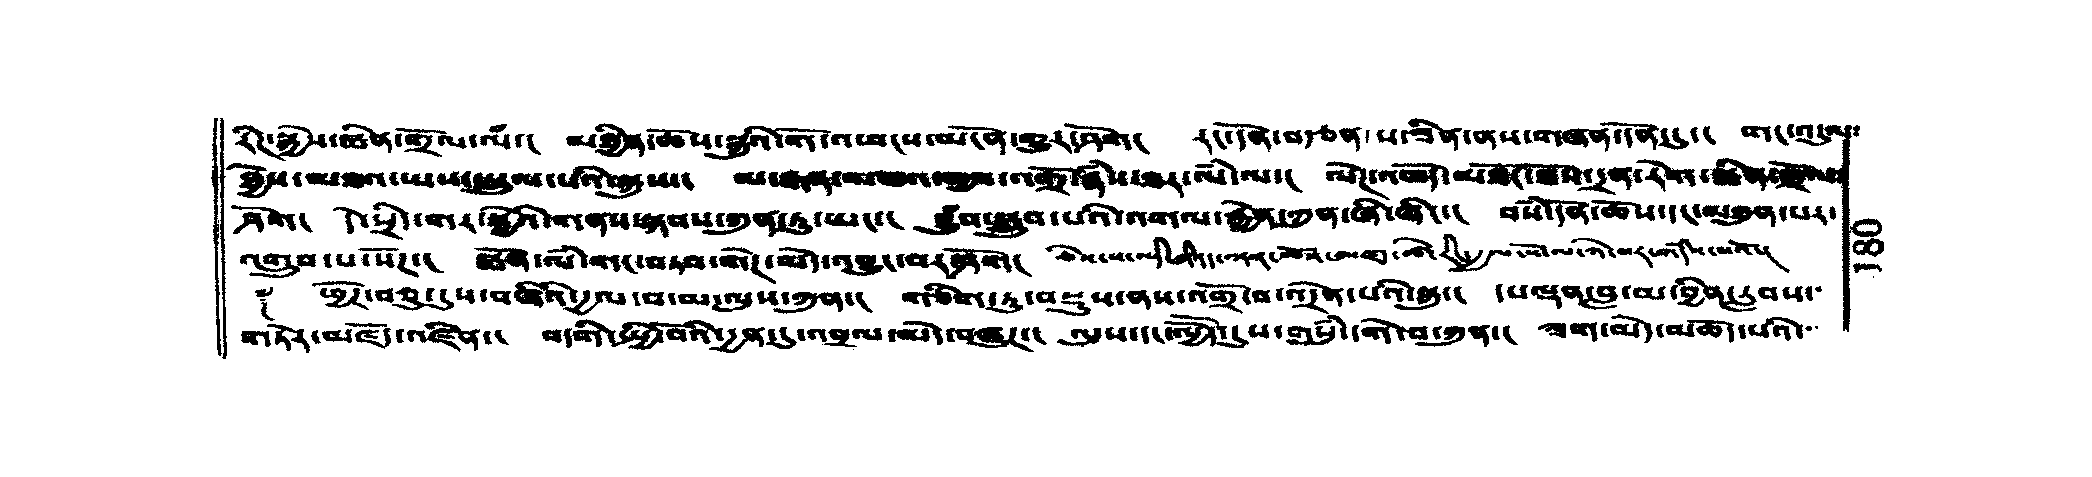རིགས་སྐྱེས་སྨིན་གྲོལ་ལམ། །མཐར་ཕྱིན་ཆོས་སྐུའི་གོ་འཕང་མངོན་གྱུར་ཤོག །རང་དོན་བརྩན་ས་ཟིན་ནས་གཞན་དོན་དུ། །གང་འདུལ་
ཐུགས་རྗེས་མཐའ་ཡས་སྤྲུལ་པའི་སྐུས། །མ་རྒན་མཁའ་ཁྱབ་འགྲོ་རྣམས་ཐར་ལམ་ལ། །ལེགས་འཁོད་མཐོང་ཐོས་དྲན་རེག་སྨིན་གྲོལ་
ཤོག །དེ་སྲིད་གར་སྐྱེའི་གནས་སྐབས་ཀུན་ཏུ་ཡང་། །བྱང་ཆུབ་སྒྲུབ་པའི་འགལ་རྐྱེན་ཀུན་ཞི་ཞིང་། །བསམ་དོན་ཆོས་དང་མཐུན་པར་
འགྲུབ་པ་སོགས། །སྨོན་ལམ་གང་བཏབ་གེགས་མེད་འབྱུང་བར་ཤོག ཅེས་པ་འདི་ནི་དད་ལྡན་ཆོས་མཛད་ཚེ་རིང་རྒྱལ་པོ་ལ་ཉེར་པར་གདམས་པའོ།།
 ༈ ཕྱོགས་བཅུ་དུས་བཞིའི་རྒྱལ་བ་མ་ལུས་ཀུན། །གཅིག་ཏུ་བསྡུས་ནས་འགྲོ་བ་འདྲེན་པའི་སྐུ། །དཔལ་ལྡན་བླ་མ་བྱིན་རླབས་
གཏེར་མཛོད་འཛིན། །བདག་གི་སྤྱི་བོའི་རྒྱན་དུ་འབྲལ་མེད་བཞུགས། །ལུས་དང་ལོངས་སྤྱོད་དུས་གསུམ་དགེ་བ་ཀུན། །ཟག་མེད་མཆོད་པའི་